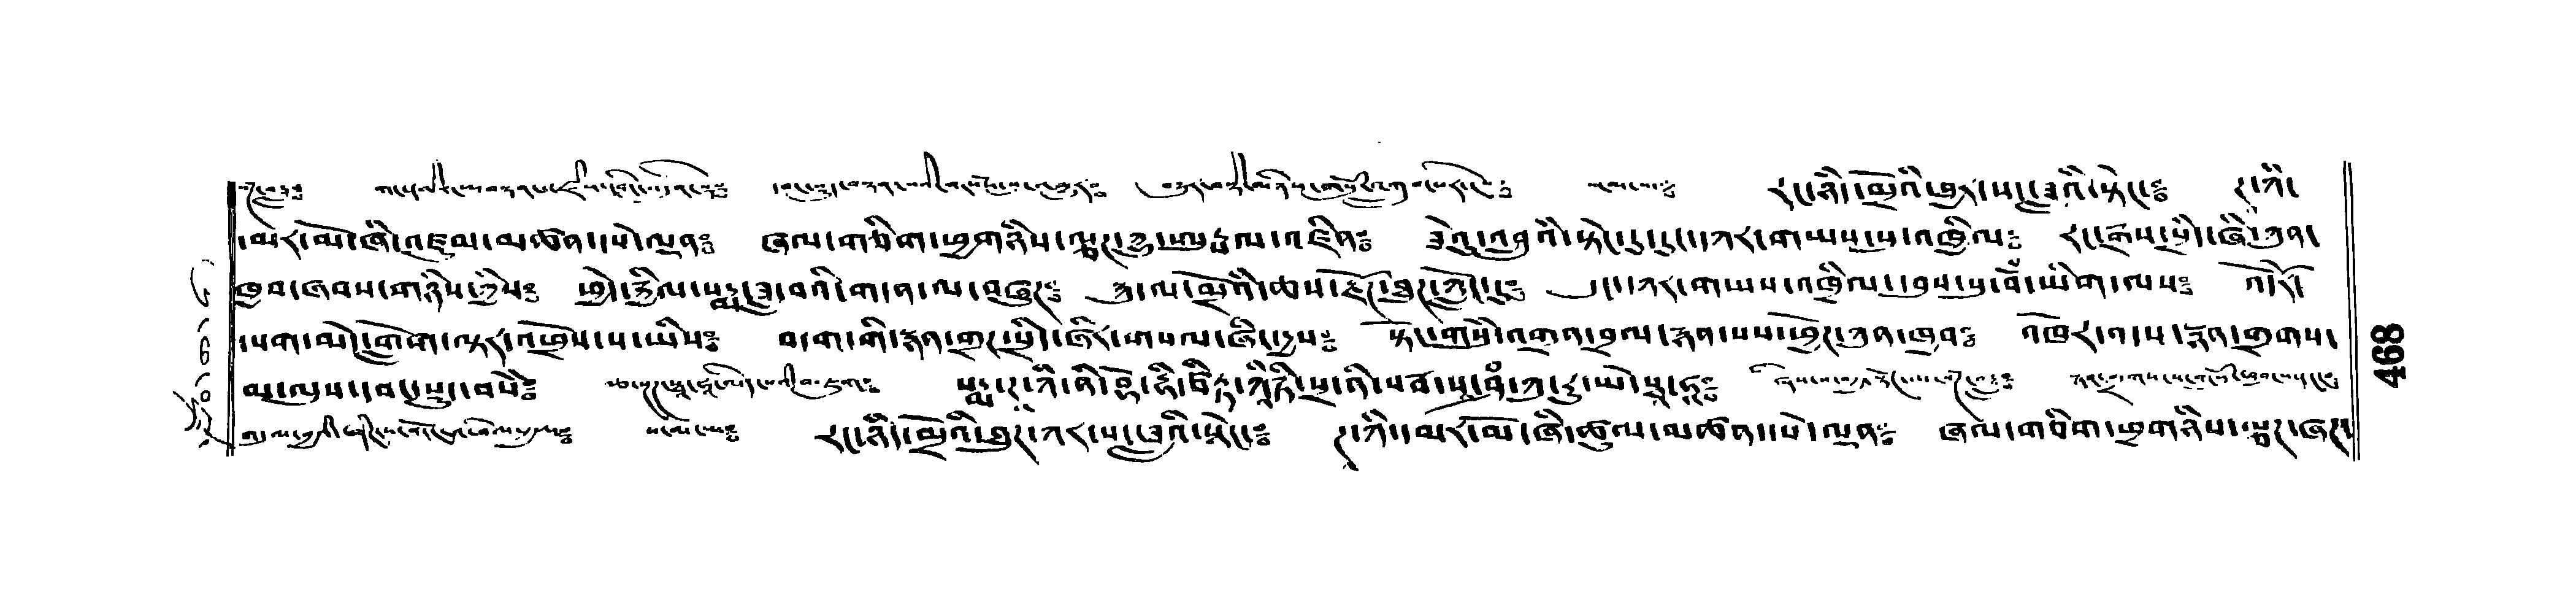སོགས་བཟླ༔ གང་དམིགས་བསྟན་འཛིན་དགེ་འདུན་སྡེ༔ དབང་སྡུད་བསྟན་པའི་གསོས་སུ་འགྱུར༔ བཀུར་བསྟི་མཉེས་གསུམ་འགྲུབ་པར་ངེས༔ ས་མ་ཡ༔ རང་ཉིད་མཁའ་འགྲོའི་ཐུགས་ཀར་པད་ཟླའི་སྟེང༔ ཌཱ་ཀི་
དམར་མོ་ཞི་འཛུམ་མཚན་དཔེ་ལྡན༔ ཞལ་གཅིག་ཕྱག་གཉིས་ལྕགས་ཀྱུ་ཨུཏྤལ་འཛིན༔ ཟེའུ་འབྲུའི་སྟེང་དུ་དུང་ཀར་གཡས་སུ་འཁྱིལ༔ རང་སྒྲས་སྲིད་ཞི་ཀུན་
ཁྱབ་ཞབས་གཉིས་ཀྱིས༔ ཕྱེད་སྐྱིལ་པདྨ་ཟླ་བའི་གདན་ལ་བཞུགས༔སྐུ་ལ་མཁའ་འགྲོའི་ཆས་རྫོགས་ཐུགས་ཀློང་དུ༔ དུང་དཀར་གཡས་འཁྱིལ་དབུས་སུ་བྃ་ཡིག་ལས༔ འོད་ཟེར་
དཔག་མེད་གློག་ལྟར་འཕྲོས་པ་ཡིས༔ བདག་གི་སྙན་གྲགས་སྲིད་ཞིར་གསལ་ཞིང་རྒྱས༔ སྟོང་གསུམ་འགྲན་བྲལ་སྙན་པས་ཕྱོགས་ཀུན་ཁྱབ༔ འཁོར་འདས་སྙན་གྲགས་
མ་ལུས་དབང་བསྡུས་བསམ༔ རྩ་སྔགས་སྭཱ་ཧཱ་མེད་པའི་མཇུག༔ པདྨ་ཌཱ་ཀི་ནི་བྷོ་དྷི་ཙིཏྟ་པྲ་ནི་སརྦ་པཱ་ཤཾ་ཀུ་རུ་ཡེ་སྭཱ་ཧཱ༔ ཞེས་པ་བརྒྱ་སྟོང་ལ་སོགས་བཟླ༔ སྙན་གྲགས་ས་གསུམ་ཁྱབ་པ་དང༔ 
གདུལ་བྱའི་ཞིང་ས་གོང་འཕེལ་རྒྱས༔ ས་མ་ཡ༔ རང་ཉིད་མཁའ་འགྲོའི་ཐུགས་ཀར་པད་ཟླའི་སྟེང༔ ཌཱ་ཀི་དམར་མོ་ཞི་ཚུལ་མཚན་དཔེ་ལྡན༔ ཞལ་གཅིག་ཕྱག་གཉིས་ལྕགས་ཞགས་